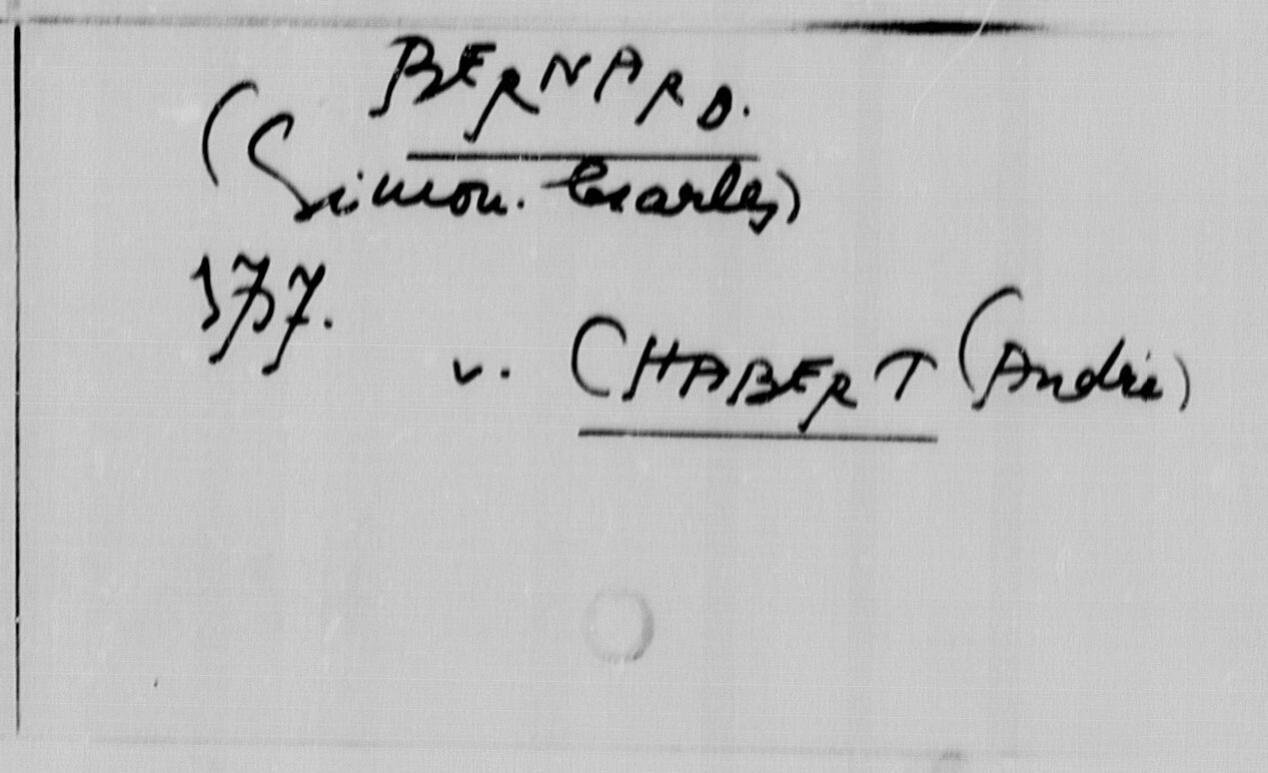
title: BERNARD (Simon-Charles)
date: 1707
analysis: Voir Chabert (André)
